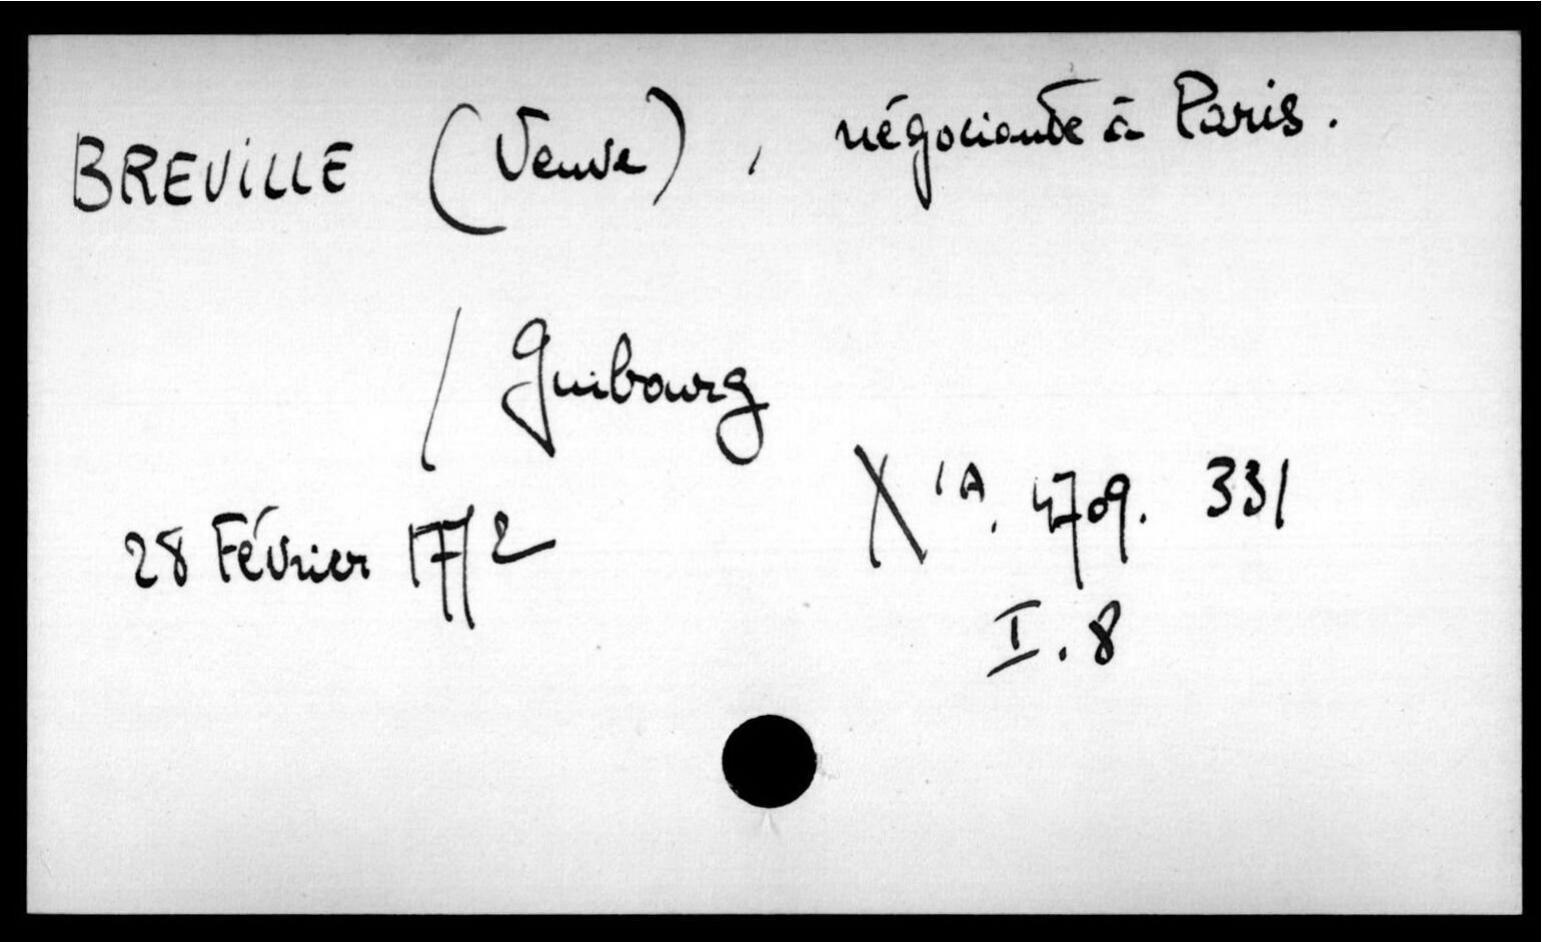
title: BREVILLE (Veuve), négociante à Paris.
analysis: Contre Guibourg
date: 28 février 1772
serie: X1A
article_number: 4709
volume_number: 331 Instances 8
